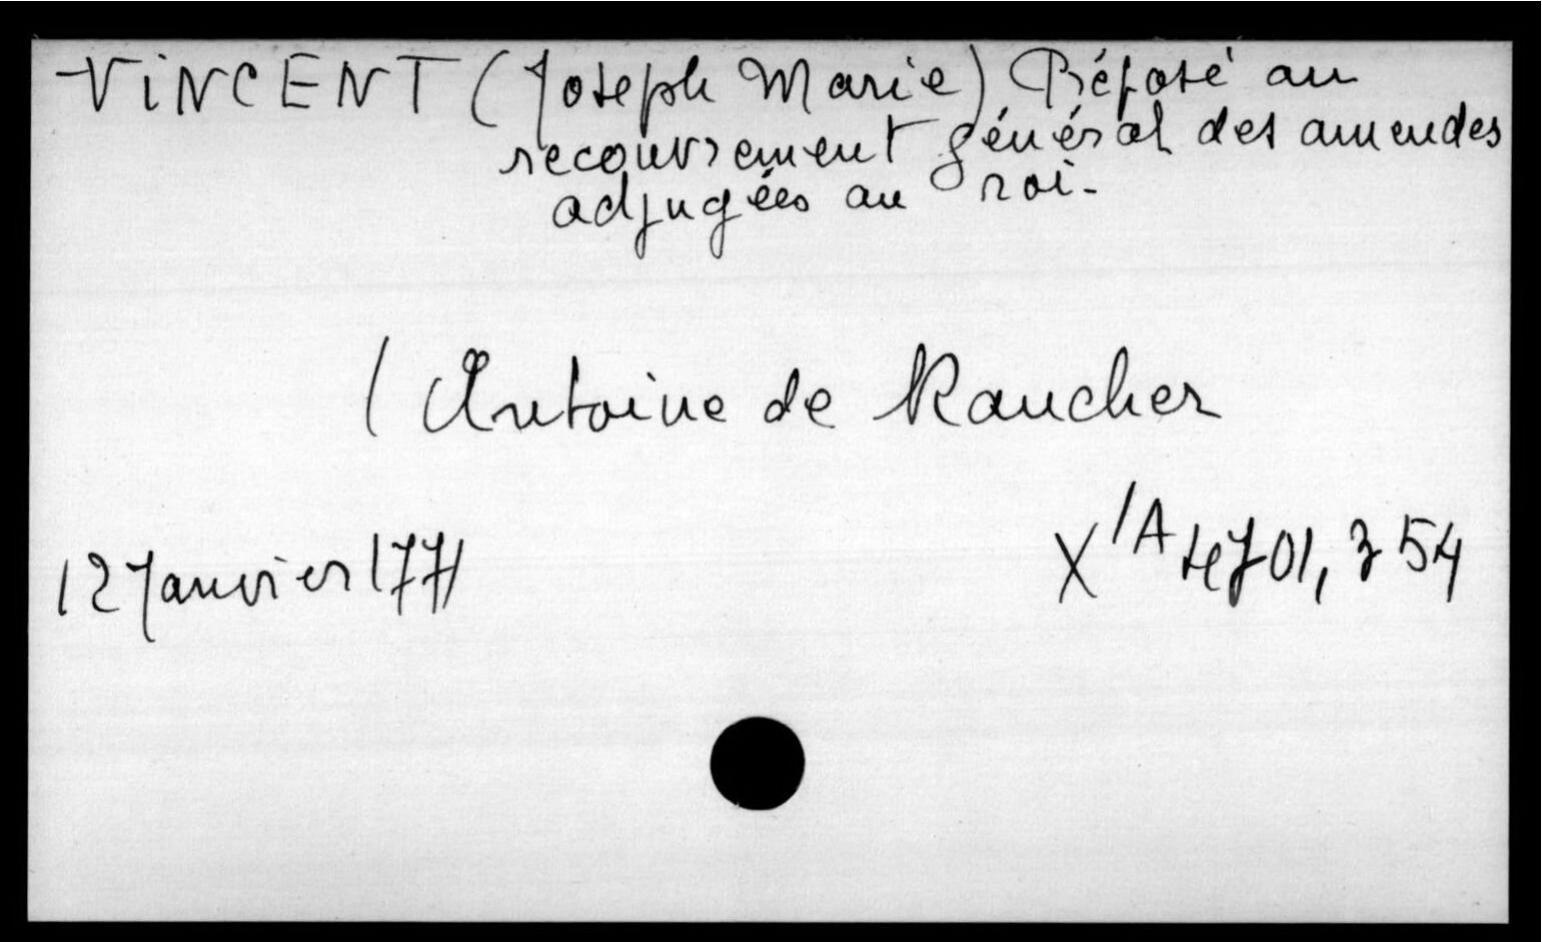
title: VINCENT (Joseph Marie), Préposé au recouvrement général des amendes adjugées au roi.
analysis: Contre Antoine de Raucher
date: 12 janvier 1771
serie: X1A
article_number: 4701
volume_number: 354
